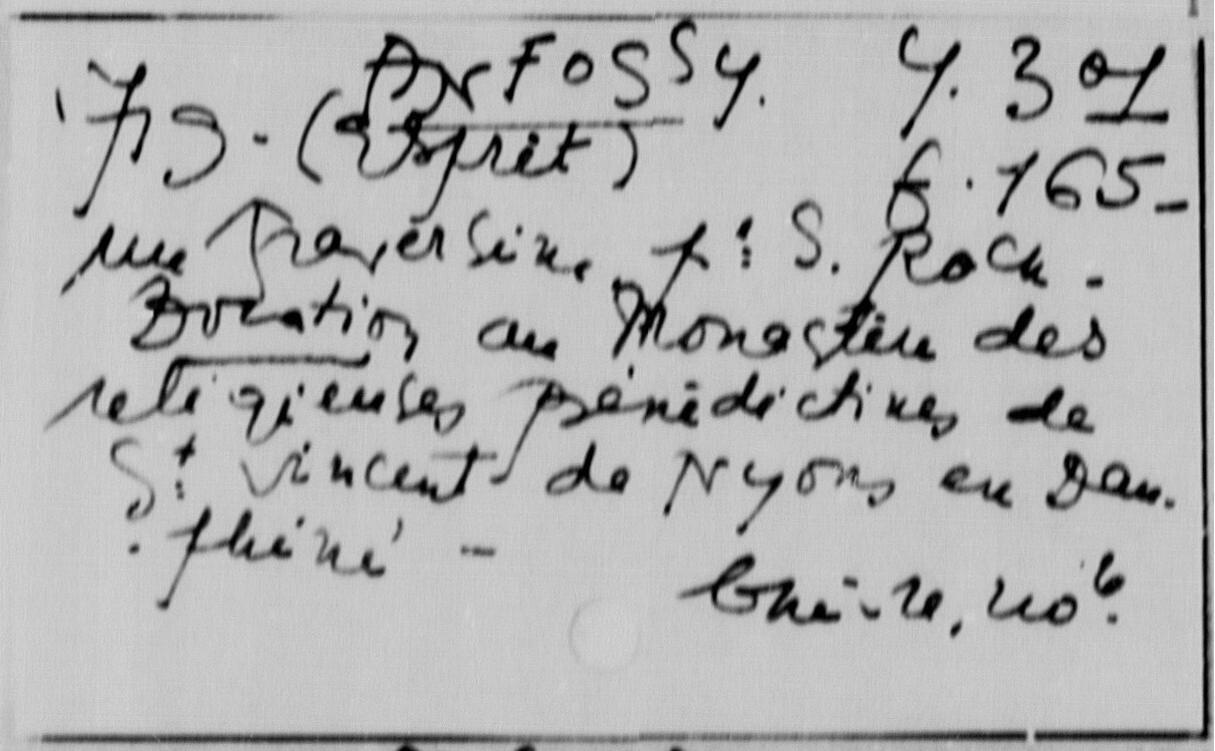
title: ANFOSSY (Esprit)
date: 1719
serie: Y
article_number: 301
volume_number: folio 165
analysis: rue Traversine, paroisse Saint Roch. Donation au Monastère des religieuses Bénédictines de Saint Vincent de Nyons en Dauphiné. Chèvre, notaire
